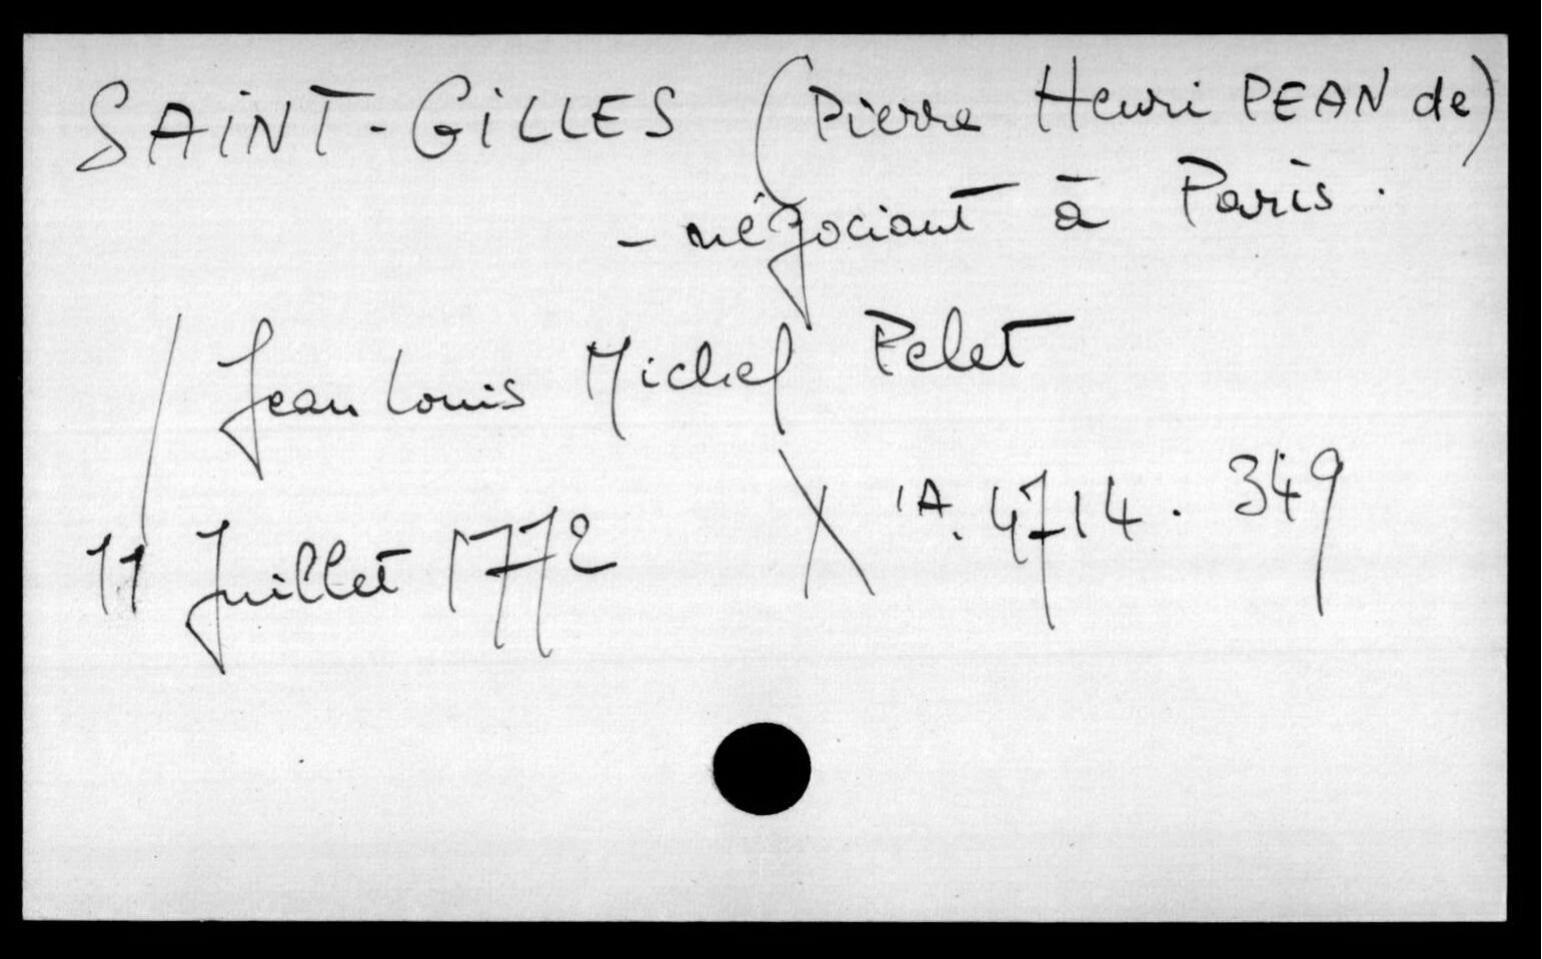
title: SAINT-GILLES (Pierre Henri PEAN de) - négociant à Paris.
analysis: Contre Jean Louis Michel Pelet
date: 11 juillet 1772
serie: X1A
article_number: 4714
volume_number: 349
